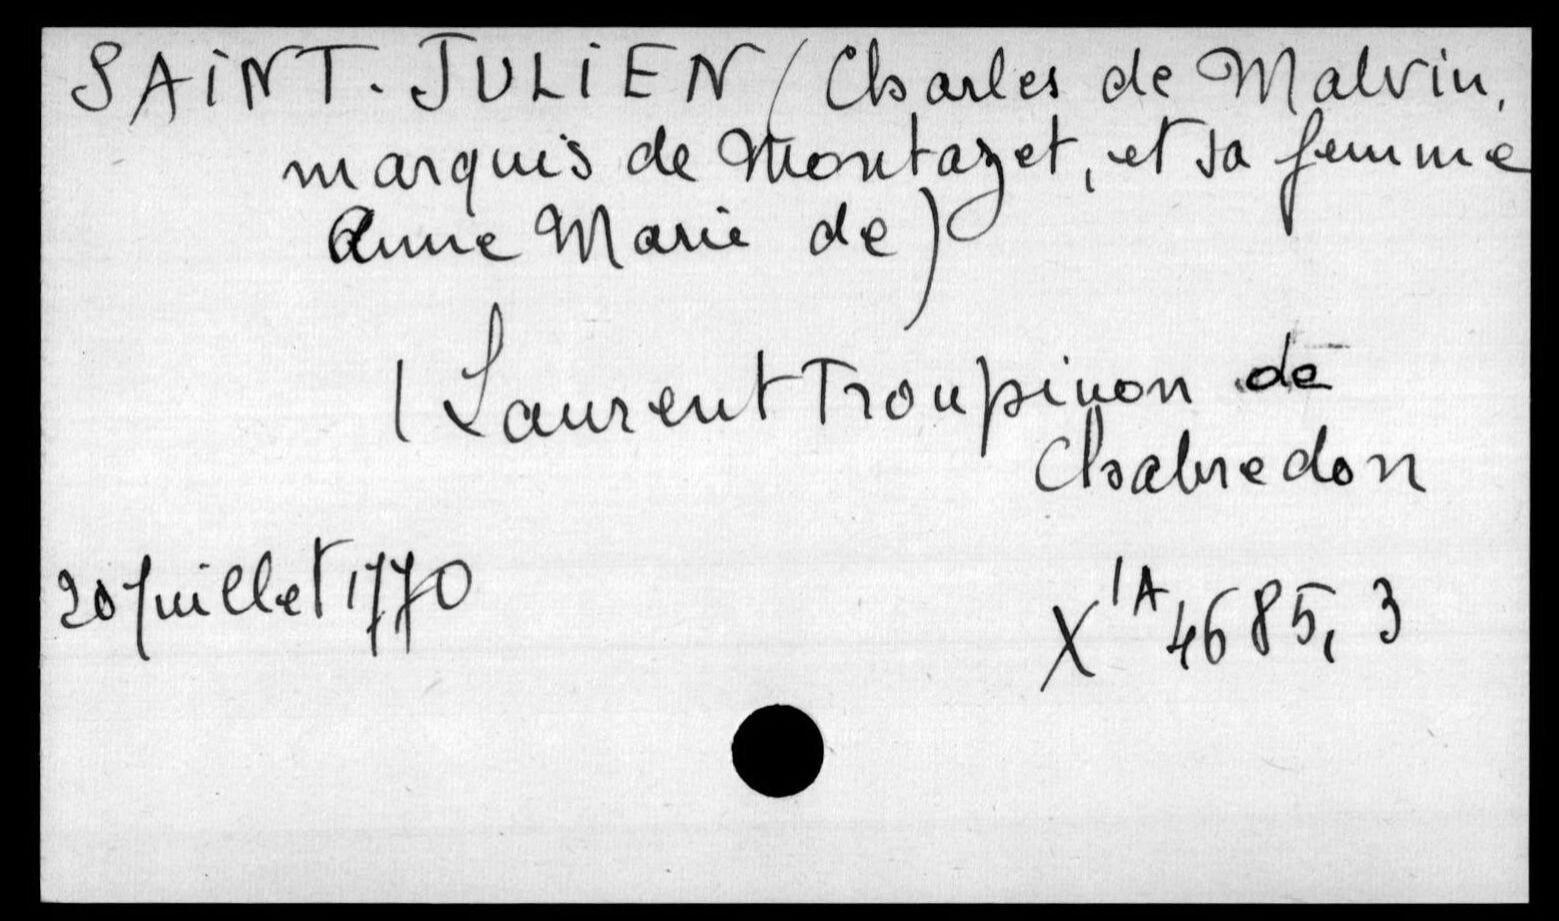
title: SAINT-JULIEN (Charles de Malvin, marquis de Montazet, et sa femme Anne Marie de)
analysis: Contre Laurent Troupinon de Chabredon
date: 20 juillet 1770
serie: X1A
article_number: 4685
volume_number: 3
